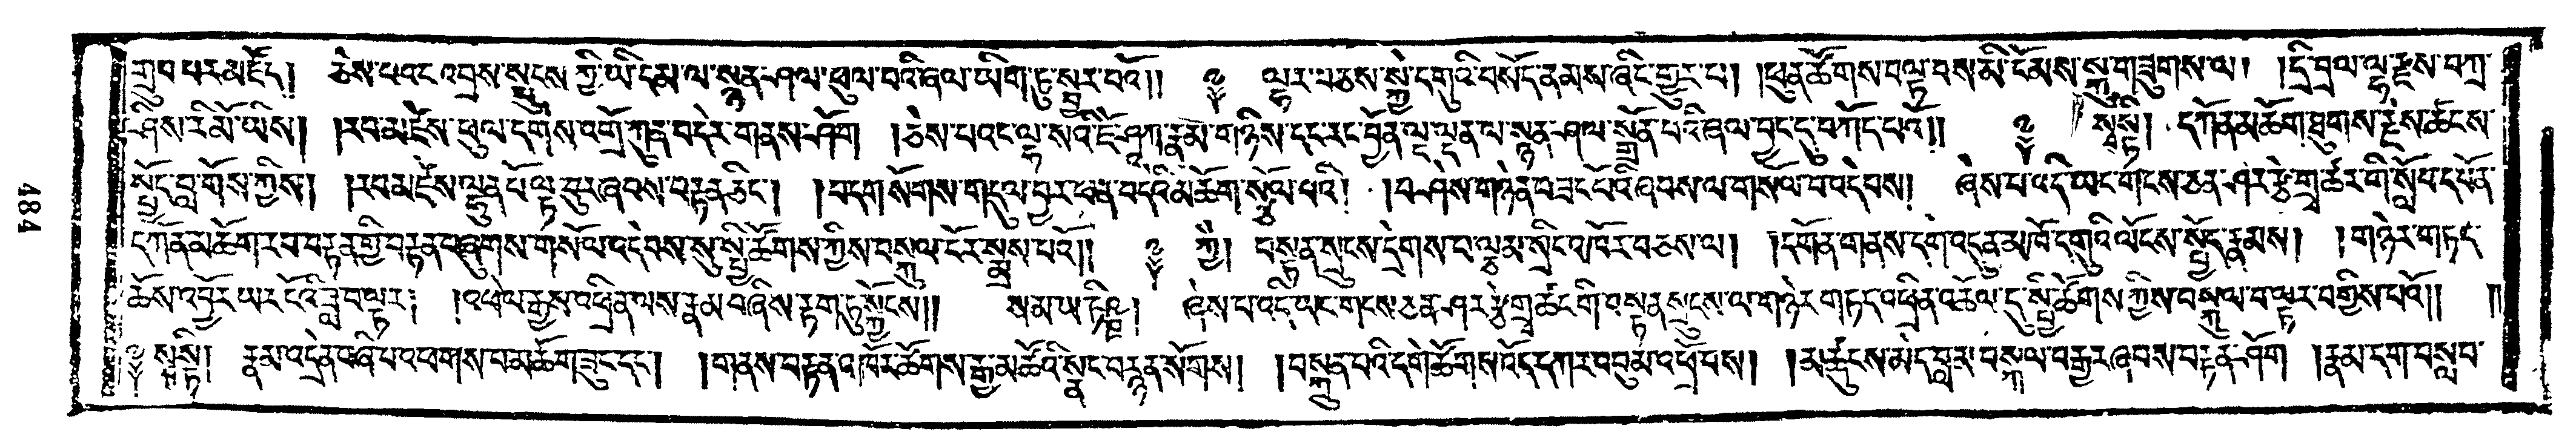གྲུབ་པར་མཛོད། ཅེས་པའང་འབྲས་སྤུངས་ཀྱི་ཡི་དམ་ལ་སྙན་ཤལ་ཕུལ་བའི་ཞལ་ཡིག་ཏུ་སྦྱར་བའོ།། ༈ ལྷར་བཅས་སྐྱེ་དགུའི་བསོད་ནམས་ཞིང་གྱུར་པ། །ཕུན་ཚོགས་བལྟ་བས་མི་ངོམས་སྐུ་གཟུགས་ལ། །དྲི་བྲལ་ལྷ་རྫས་བཀྲ་
ཤིས་རི་མོ་ཡིས། །རབ་མཛེས་ཕུལ་དགོས་འགྲོ་ཀུན་བདེར་གནས་ཤོག །ཅེས་པའང་ལྷ་སའི་ཇོ་ཤཱཀྱ་རྣམ་གཉིས་དང་རང་བྱོན་ལྔ་ལྡན་ལ་སྙན་ཤལ་སྒྲོན་པའི་ཞལ་བྱང་དུ་བཀོད་པའོ།། ༈ སྭསྟི། དཀོན་མཆོག་ཐུགས་རྗེས་ཚངས་
སྤྱོད་བླ་གོས་ཀྱིས། །རབ་མཛེས་ལྷུན་པོ་ལྟ་བུར་ཞབས་བརྟན་ཅིང་། །བདག་སོགས་གདུལ་བྱར་ཕན་བདེའི་མཆོག་སྩོལ་བའི། །བཤེས་གཉེན་བཟང་པོའི་ཞབས་ལ་གསོལ་བ་འདེབས། ཞེས་པ་འདི་ཡང་གངས་ཅན་ཤར་རྩེ་གྲྭ་ཚར་གི་སློབ་དཔོན་
དཀོན་མཆོག་རབ་བརྟན་གྱི་བརྟན་བཞུགས་གསོལ་འདེབས་སུ་སྤྱི་ཚོགས་ཀྱིས་བསྐུལ་ངོར་སྨྲས་པའོ།། ༈ ཀྱཻ། བསྟན་སྲུངས་དྲེགས་བ་ལྕམ་སྲིང་འཁོར་བཅས་ལ། །དགོན་གནས་དགེ་འདུན་མཁོ་དགུའི་ལོངས་སྤྱོད་རྣམས། །གཉེར་གཏད་
ཆོས་འབྱོར་ཡར་ངོའི་ཟླ་བ་ལྟར། །འཕེལ་རྒྱས་འཕྲིན་ལས་རྣམ་བཞིས་རྟག་ཏུ་སྐྱོངས།། ས་མ་ཡ་ཏིཥཊཿཨ། ཞེས་པ་འདི་ཡང་གངས་ཅན་ཤར་རྩེ་གྲྭ་ཚང་གི་བསྟན་སྲུངས་ལ་གཉེར་གཏད་འཕྲིན་འཆོལ་དུ་སྤྱི་ཚོགས་ཀྱིས་བསྐུལ་བ་ལྟར་བགྱིས་པའོ།། །།
༈ སྭསྟི། རྣམ་འདྲེན་བཞི་པ་འཕགས་པ་མཆོག་ཟུང་དང་། །གནས་བརྟན་འཁོར་ཚོགས་རྒྱ་མཚོའི་སྣང་བརྙན་སོགས། །བསྐྲུན་པའི་དགེ་ཚོགས་འོད་དཀར་འབུམ་འཕྲོ་བས། །མཚུངས་མེད་བླ་མ་བསྐལ་བརྒྱར་ཞབས་བརྟན་ཤོག །རྣམ་དག་བསླབ་